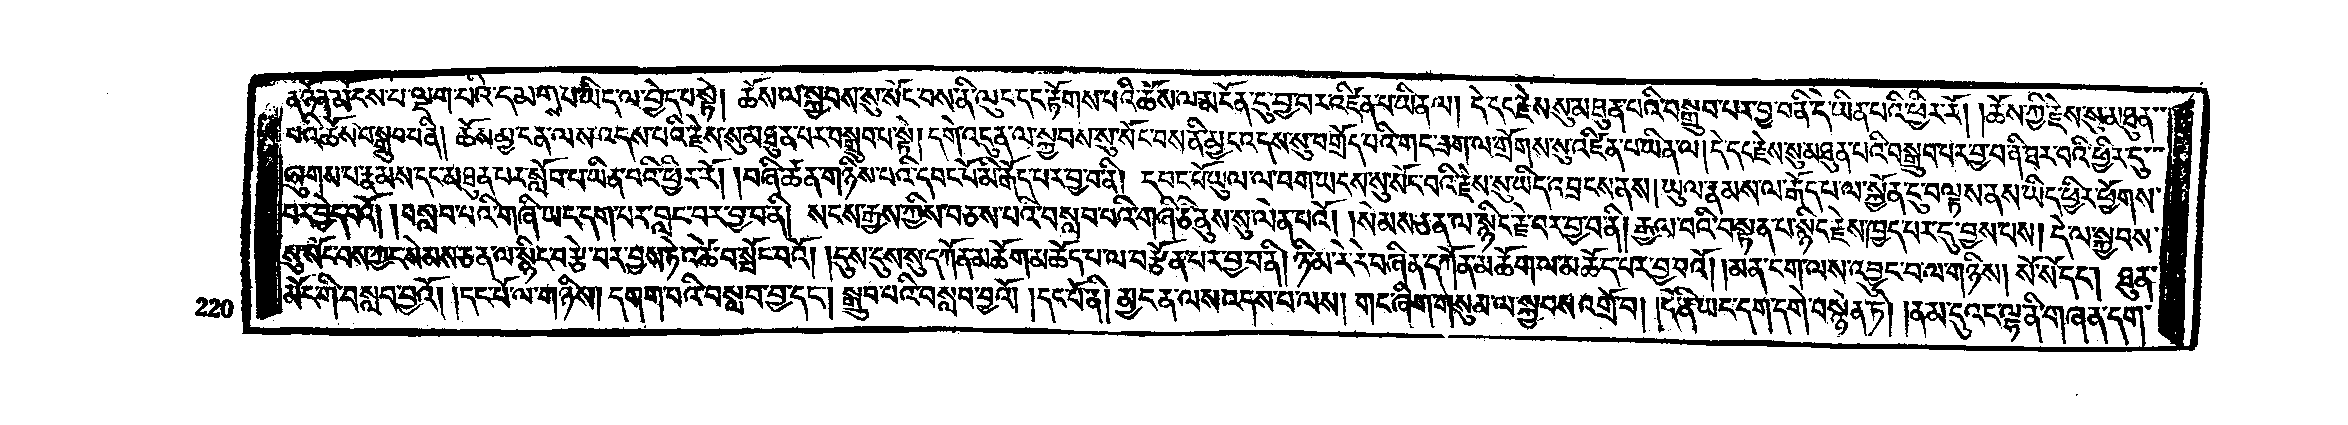ན་ཉོན་མོངས་པ་ལྡོག་པའི་དམིགས་པ་ཡིད་ལ་བྱེད་པ་སྟེ། ཆོས་ལ་སྐྱབས་སུ་སོང་བས་ནི་ལུང་དང་རྟོགས་པའི་ཆོས་ལ་མངོན་དུ་བྱ་བར་འཛིན་པ་ཡིན་ལ། དེ་དང་རྗེས་སུ་མཐུན་པའི་བསྒྲུབ་པར་བྱ་བ་ནི་དེ་ཡིན་པའི་ཕྱིར་རོ། །ཆོས་ཀྱི་རྗེས་སུ་མཐུན་
པའི་ཆོས་བསྒྲུབ་པ་ནི། ཆོས་མྱ་ངན་ལས་འདས་པའི་རྗེས་སུ་མཐུན་པར་བསྒྲུབ་པ་སྟེ། དགེ་འདུན་ལ་སྐྱབས་སུ་སོང་བས་ནི་མྱང་འདས་སུ་བགྲོད་པའི་གང་ཟག་ལ་གྲོགས་སུ་འཛིན་པ་ཡིན་ལ། དེ་དང་རྗེས་སུ་མཐུན་པའི་བསྒྲུབ་པར་བྱ་བ་ནི་ཐར་པའི་ཕྱིར་དུ་
ཞུགས་པ་རྣམས་དང་མཐུན་པར་སློབ་པ་ཡིན་པའི་ཕྱིར་རོ། །བཞི་ཚན་གཉིས་པའི་དབང་པོ་མི་རྒོད་པར་བྱ་བ་ནི། དབང་པོ་ཡུལ་ལ་བག་ཡངས་སུ་སོང་བའི་རྗེས་སུ་ཡིད་འབྲངས་ནས། ཡུལ་རྣམས་ལ་རྒོད་པ་ལ་སྐྱོན་དུ་བལྟས་ནས་ཡིད་ཕྱིར་ཕྱོགས་
པར་བྱེད་པའོ། །བསླབ་པའི་གཞི་ཡང་དག་པར་བླང་བར་བྱ་བ་ནི། སངས་རྒྱས་ཀྱིས་བཅས་པའི་བསླབ་པའི་གཞི་ཅི་ནུས་སུ་ལེན་པའོ། །སེམས་ཅན་ལ་སྙིང་རྗེ་བར་བྱ་བ་ནི། རྒྱལ་བའི་བསྟན་པ་སྙིང་རྗེས་ཁྱད་པར་དུ་བྱས་པས། དེ་ལ་སྐྱབས་
སུ་སོང་བས་ཀྱང་སེམས་ཅན་ལ་སྙིང་བརྩེ་བར་བྱས་ཏེ་འཚེ་བ་སྤོང་བའོ། །དུས་དུས་སུ་དཀོན་མཆོག་མཆོད་པ་ལ་བརྩོན་པར་བྱ་བ་ནི། ཉི་མ་རེ་རེ་བཞིན་དཀོན་མཆོག་ལ་མཆོད་པར་བྱ་བའོ། །མན་ངག་ལས་འབྱུང་བ་ལ་གཉིས། སོ་སོ་དང་། ཐུན་
མོང་གི་བསླབ་བྱའོ། །དང་པོ་ལ་གཉིས། དགག་པའི་བསླབ་བྱ་དང་། སྒྲུབ་པའི་བསླབ་བྱའོ། །དང་པོ་ནི། མྱ་ངན་ལས་འདས་པ་ལས། གང་ཞིག་གསུམ་ལ་སྐྱབས་འགྲོ་བ། །དེ་ནི་ཡང་དག་དགེ་བསྙེན་ཏེ། །ནམ་དུའང་ལྷ་ནི་གཞན་དག་